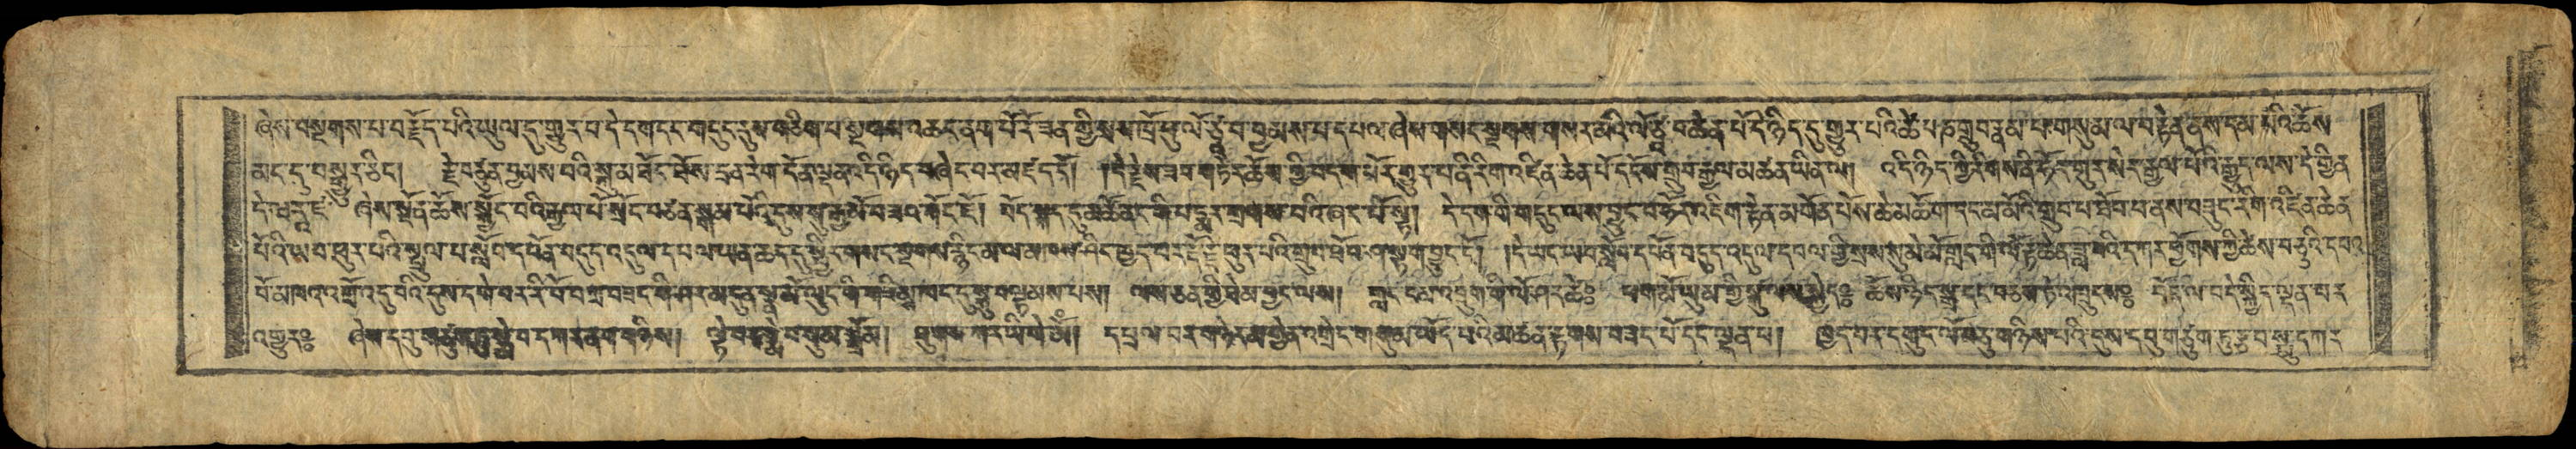ཞེས་བསྔགས་བ་བརྗོད་པའི་ཡུལ་དུ་གྱུར་བ་དེ་དག་དང་གདུང་རུས་གཅིག་པ་སྔགས་འཆང་ནག་པོ་རོ་ཟན་གྱི་སྲས་ཁྲོ་ཕུ་ལོ་ཙཱ་བ་བྱམས་པ་དཔལ་ཞེས་གསང་སྔགས་གསར་མའི་ལོ་ཙཱ་བ་ཆེན་པོ་དེ་ཉིད་དུ་གྱུར་པའི་ཚེ་པཎ་གྲུབ་རྣམ་པ་གསུམ་ལ་བརྟེན་ནས་དམ་པའི་ཆེས་
མང་དུ་བསྒྱུར་ཅིང་། རྗེ་བཙུན་བྱམས་པའི་སྐུ་མཐོད་ཐོས་དྲན་རེག་དོན་ལྡན་འདི་ཉིད་བཞེང་པར་མཛད་དོ། །དེ་རྗེས་ཟབ་གཏེར་ཆོས་ཀྱི་བདག་པོར་གྱུར་པ་ནི་རིག་འཛིན་ཆེན་པོ་དངོས་གྲུབ་རྒྱལ་མཚན་ཡིན་ལ། འདི་ཉིད་ཀྱི་རིགས་ནི་ཧོར་གུར་སེར་རྒྱལ་པོའི་རྒྱུད་ལས་དེ་གྱིན་
དེ་ཝ་རཱ་ཛ་ཞེས་སྔོན་ཆོས་སྐྱོང་བའི་རྒྱལ་པོ་སྲོང་བཙན་སྒམ་པོའི་དུས་སུ་རྒྱམ་བཟའ་ཀོང་ཇོ། བོད་སྐད་དུ་མཚོ་ནང་གི་པདམར་གྲགས་པའི་ཞང་པོ་སྟེ། དེ་དག་གི་གདུང་ལས་བྱུང་བ་ཧོར་འཇིག་རྟེན་མགོན་པོས་ཆེ་མཆོག་དང་མ་མོའི་གྲུབ་པ་ཐོབ་པ་ནས་བཟུང་རིག་འཛིན་ཆེན་
པོའི་ཡབ་ཕུར་བའི་སྤྲུལ་པ་སློབ་དཔོན་བདུད་འདུལ་དཔལ་ཡན་ཆད་དུ་སྤྱིར་གསང་སྔགས་རྙིང་མ་ལ་མཁས་ཤིང་ཁྱད་པར་རྡོ་རྗེ་ཕུར་པའི་གྲུབ་ཐོབ་ཤ་སྟག་བྱུང་ངོ། །དེ་ཡང་ཡབ་སློབ་དཔོན་བདུད་འདུལ་དཔལ་གྱི་སྲས་སུ་མེ་མོ་གླང་གི་ལོ་རྟ་ཆེན་ཟླ་བའི་དཀར་ཕྱོགས་ཀྱི་ཚེས་བཅུའི་དཔའ་
བོ་མཁའ་འགྲོ་འདུ་བའི་དུས་དགེ་བར་རི་བོ་བཀྲ་བཟང་གི་ཤར་མདུན་སྣ་མོ་ལུང་གི་གཟིམས་ཁང་དུ་སྐུ་བལྟམས་པས། ལས་ཅན་གྱི་ཐེམ་བྱང་ལས། གླང་ངམ་འབྲུག་གི་ལོ་ཤར་ཚེཿ ཕག་མོ་ཡུམ་གྱི་སྐུ་ལས་སྐྱེདཿ་ཆོས་ཉིད་སྒྲ་དང་བཅས་ཏེ་འཁྲུངསཿ་བོད་ལ་བདེ་སྐྱིད་ལྡན་པར་
འགྱུརཿ་ཞེས་དབུ་གཅུག་ཏུ་སྨེ་བ་དཀར་ནག་གཉིས། ལྟེ་བར་སྨེ་བ་སུམ་སྒྲོམ། ཐུགས་ཀར་ཡི་གེ་ཨོཾ། དཔྲལ་བར་གཉེར་མ་གྱེན་འགྲེང་གསུམ་ཡོད་པའི་མཚན་རྟགས་བཟང་པོ་དང་ལྡན་པ། ཁྱད་པར་དགུང་ལོ་བཅུ་གཉིས་པའི་དུས་དབུ་གཙུག་ཏུ་རྩ་བ་སྤུ་དཀར་